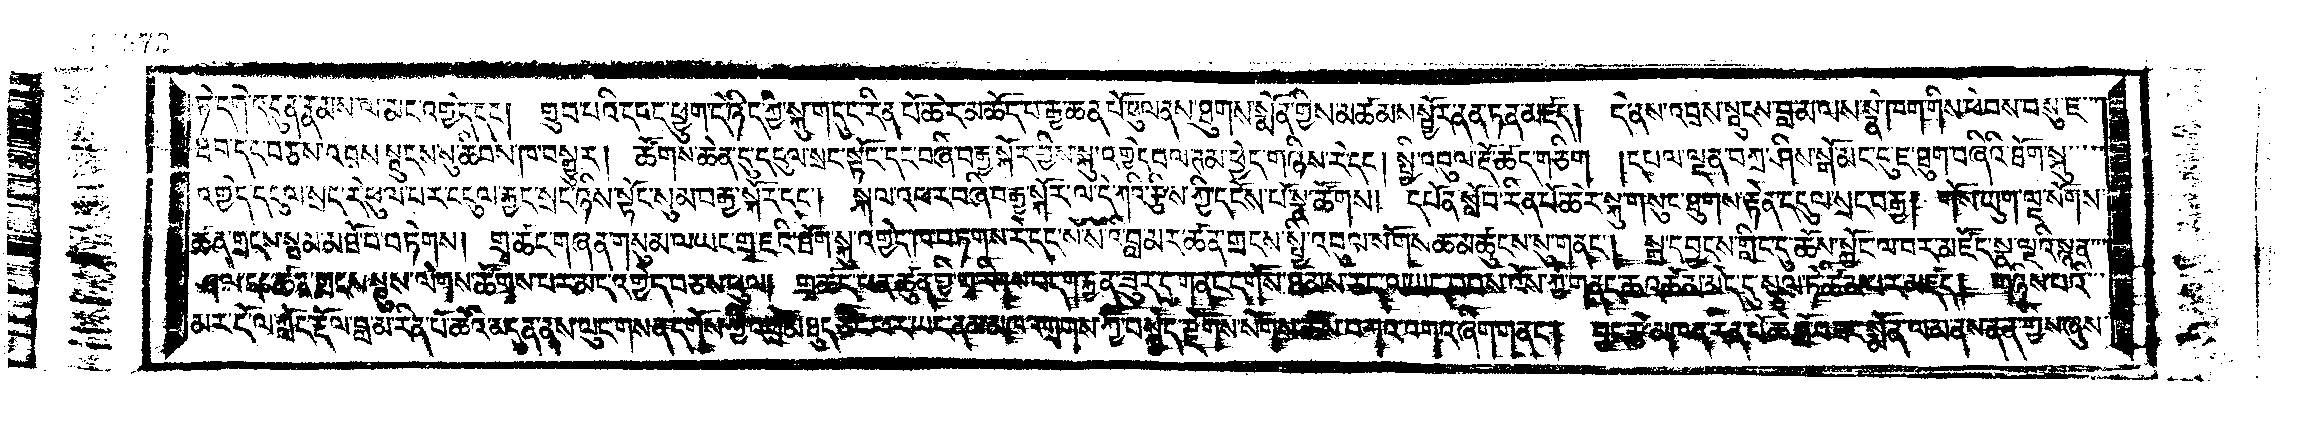ཏེ་དགེ་འདུན་རྣམས་ལ་མང་འགྱེད་དང་། གྲུབ་པའི་དབང་ཕྱུག་དེ་ཉིད་ཀྱི་སྐུ་གདུང་རིན་པོ་ཆེར་མཆོད་པ་རྒྱ་ཆེན་པོ་ཕུལ་ནས་ཐུགས་སྨོན་གྱིས་མཚམས་སྦྱོར་ནན་ཏན་མཛད། དེ་ནས་འབྲས་སྤུངས་བླ་མ་ལས་སྣེ་ཁག་གིས་ཕེབས་བསུ་ཇ་
ཐབ་དང་བཅས་འབྲས་སྤུངས་སུ་ཆིབས་ཁ་བསྒྱུར། ཚོགས་ཆེན་དུ་དངུལ་སྲང་སྟོང་དང་བཞི་བརྒྱ་སྐོར་གྱིས་སྐུ་འགྱེད་བལ་ཊམ་ཕྱེད་གཉིས་རེ་དང་། སྤྱི་འབུལ་རྡོ་ཚད་གཅིག །དཔལ་ལྡན་བཀྲ་ཤིས་སྒོ་མང་དུ་ཇ་ཐུག་བཞིའི་ཐོག་སྐུ་
འགྱེད་དངུལ་སྲང་རེ་ཕུལ་བར་དངུལ་རྐྱང་སྲང་ཉིས་སྟོང་སུམ་བརྒྱ་སྐོར་དང་། སྐལ་འཕར་བཞི་བརྒྱ་སྐོར་ལ་དེ་ཀའི་རྩིས་ཀྱི་དངོས་པོ་སྣ་ཚོགས། དཔོན་སློབ་རིན་པོ་ཆེར་སྐུ་གསུང་ཐུགས་རྟེན་དངུལ་སྲང་བརྒྱ། གོས་ཡུག་ལྔ་སོགས་
ཚན་གྲངས་སྤམ་མཐོ་བ་བཏེགས། གྲྭ་ཚང་གཞན་གསུམ་ལ་ཡང་གྲྭ་ཇའི་ཐོག་སྐུ་འགྱེད་ཁ་བཏགས་རེ་དང་སོ་སོའི་བླ་མར་ཚན་གྲངས་སྤྱི་འབུལ་སོགས་ཆ་མཚུངས་སུ་གནང་། སྒྲ་དབྱངས་གླིང་དུ་ཆོས་སྐྱོང་ལ་བར་མཛོད་སྣ་ལྔའི་སྙན་
ཤལ་དང་ཚན་གྲངས་སྤུས་ལེགས་ཚོགས་པར་མང་འགྱེད་བཅས་ཕུལ། གྲྭ་ཚང་ཕན་ཚུན་གྱི་གྲྭ་རིགས་བདག་རྐྱེན་ཟུར་དུ་གནང་དགོས་ཐམས་ཅད་ལ་ཡང་བབས་འོས་ཀྱི་གནང་ཆ་འཚེམ་མེད་དུ་སྩལ་ཏེ་ཚིམ་པར་མཛད། གཉིས་པའི་
མར་ངོ་ལ་ཀློང་རྡོལ་བླ་མ་རིན་པོ་ཆེའི་མདུན་ནས་ལུང་གསན་དགོས་ཀྱི་འཕྲོ་མཐུད་ཅིང་ཕར་ཡང་ནམ་མཁའ་གྲགས་ཀྱི་བསྐྱེད་རྫོགས་སོགས་ཆོས་བཀའ་འགའ་ཞིག་གནང་། བྱང་རྩེ་མཁན་རིན་པོ་ཆེ་བློ་བཟང་སྨོན་ལམ་ནས་ནན་གྱིས་ཞུས་